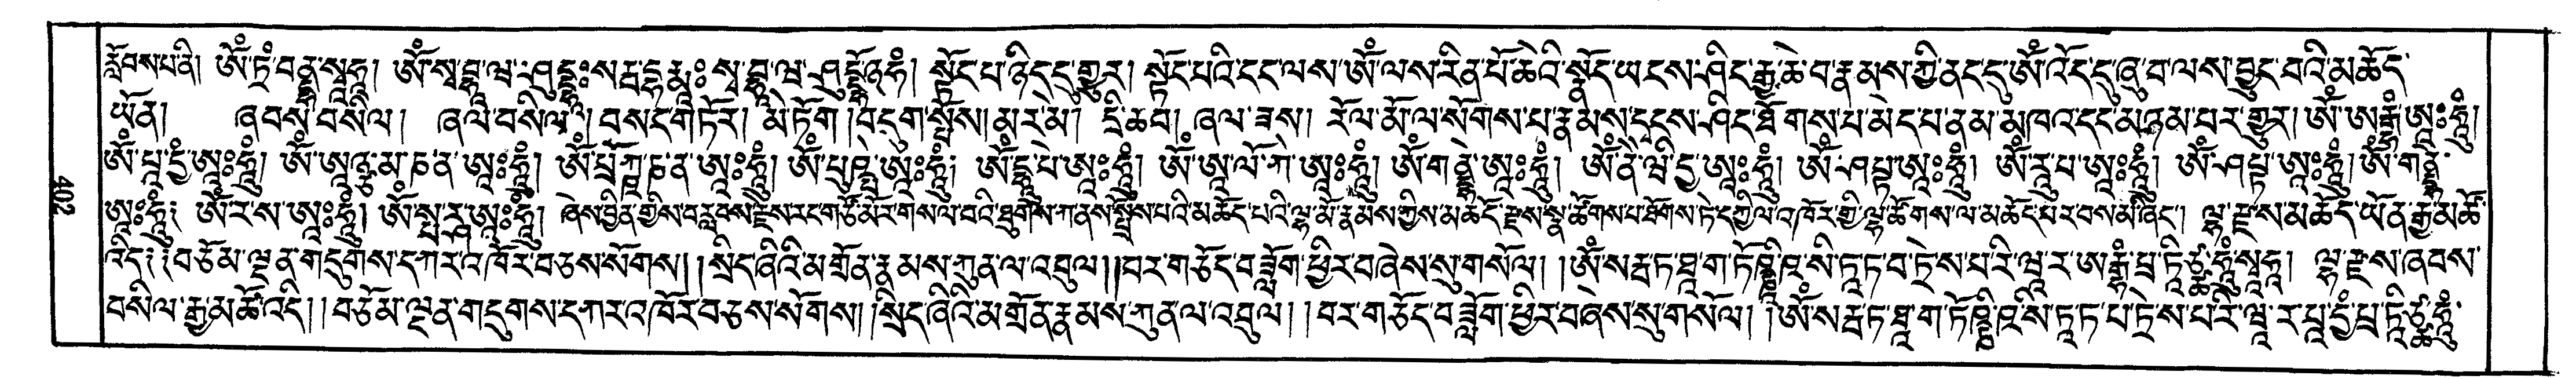རློབས་པ་ནི། ཨོཾ་ཏྲཾ་བནྡྷ་སྭཱཧཱ། ཨོཾ་སྭ་བྷཱ་ཝ་ཤུདྡྷཱཿ སརྦ་དྷརྨཱཿསྭ་བྷཱ་ཝ་ཤུདྡྷོཉཧཾ། སྟོང་པ་ཉིད་དུ་གྱུར། སྟོང་པའི་དང་ལས་ཨོཾ་ལས་རིན་པོ་ཆེའི་སྣོད་ཡངས་ཤིང་རྒྱ་ཆེ་བ་རྣམས་ཀྱི་ནང་དུ་ཨོཾ་འོད་དུ་ཞུ་བ་ལས་བྱུང་བའི་མཆོད་
ཡོན༑ ཞབས་བསིལ། ཞལ་བསིལ། བསང་གཏོར། མེ་ཏོག །བདུག་སྦོས། མར་མེ། དྲི་ཆབ། ཞལ་ཟས། རོལ་མོ་ལ་སོགས་པ་རྣམས་དྭངས་ཤིང་ཐོགས་པ་མེད་པ་ནམ་མཁའ་དང་མཉམ་པར་གྱུར། ཨོཾ་ཨརྒྷཾ་ཨཱཿཧཱུཾ།
ཨོཾ་པཱ་དྱཾ་ཨཱཿཧཱུཾ། ཨོཾ་ཨཱཉྩ་མ་ཎ་ན་ཨཱཿཧཱུཾ། ཨོཾ་པྲོཀྵ་ཎན་ཨཱཿཧཱུཾ། ཨོཾ་པུཥྤེ་ཨཱཿཧཱུཾ། ཨོཾ་དྷཱུ་པེ་ཨཱཿཧཱུཾ། ཨོཾ་ཨཱ་ལོ་ཀེ་ཨཱཿཧཱུཾ། ཨོཾ་གནྡྷེ་ཨཱཿཧཱུཾ། ཨོཾ་ནཻ་ཝི་དྱ་ཨཱཿཧཱུཾ། ཨོཾ་ཤཔྟ་ཨཱཿཧཱུཾ། ཨོཾ་རཱུ་པ་ཨཱཿཧཱུཾ། ཨོཾ་ཤཔྟ་ཨཱཿཧཱུཾ། ཨོཾ་གནྡྷེ་
ཨཱཿཧཱུཾ༑ ཨོཾ་ར་ས་ཨཱཿཧཱུཾ། ཨོཾ་སྤརྴ་ཨཱཿཧཱུཾ། ཞེས་བྱིན་གྱིས་བརླབས་རྗེས་རང་གཙོ་མོར་གསལ་བའི་ཐུགས་ཀ་ནས་སྤྲོས་པའི་མཆོད་པའི་ལྷ་མོ་རྣམས་ཀྱིས་མཆོད་རྫས་སྣ་ཚོགས་པ་ཐོགས་ཏེ་དཀྱིལ་འཁོར་གྱི་ལྷ་ཚོགས་ལ་མཆོད་པར་བསམ་ཞིང་། ལྷ་རྫས་མཆོད་ཡོན་རྒྱ་མཚོ་
འདི༑ ༑བཅོམ་ལྡན་གདུགས་དཀར་འཁོར་བཅས་སོགས། །སྲིད་ཞིའི་མགྲོན་རྣམས་ཀུན་ལ་འབུལ། །བར་གཅོད་བཟློག་ཕྱིར་བཞེས་སུ་གསོལ། །ཨོཾ་ས་རྦ་ཏ་ཐཱ་ག་ཏོཥྞི་ཥ་སི་ཏཱ་ཏ་པ་ཏྲེ་ས་པ་རི་ཝཱ་ར་ཨརྒྷཾ་པྲ་ཏཱི་ཙྪ་ཧཱུཾ་སྭཱཧཱ། ལྷ་རྫས་ཞབས་
བསིལ་རྒྱ་མཚོ་འདི། །བཅོམ་ལྡན་གདུགས་དཀར་འཁོར་བཅས་སོགས། །སྲིད་ཞིའི་མགྲོན་རྣམས་ཀུན་ལ་འབུལ། །བར་གཅོད་བཟློག་ཕྱིར་བཞེས་སུ་གསོལ། །ཨོཾ་སརྦ་ཏ་ཐཱ་ག་ཏོཥྞཱི་ཥ་སི་ཏཱ་ཏ་པ་ཏྲེ་ས་པ་རི་ཝཱ་ར་པཱ་དྱཾ་པྲ་ཏཱིཙྪ་ཧཱུཾ་